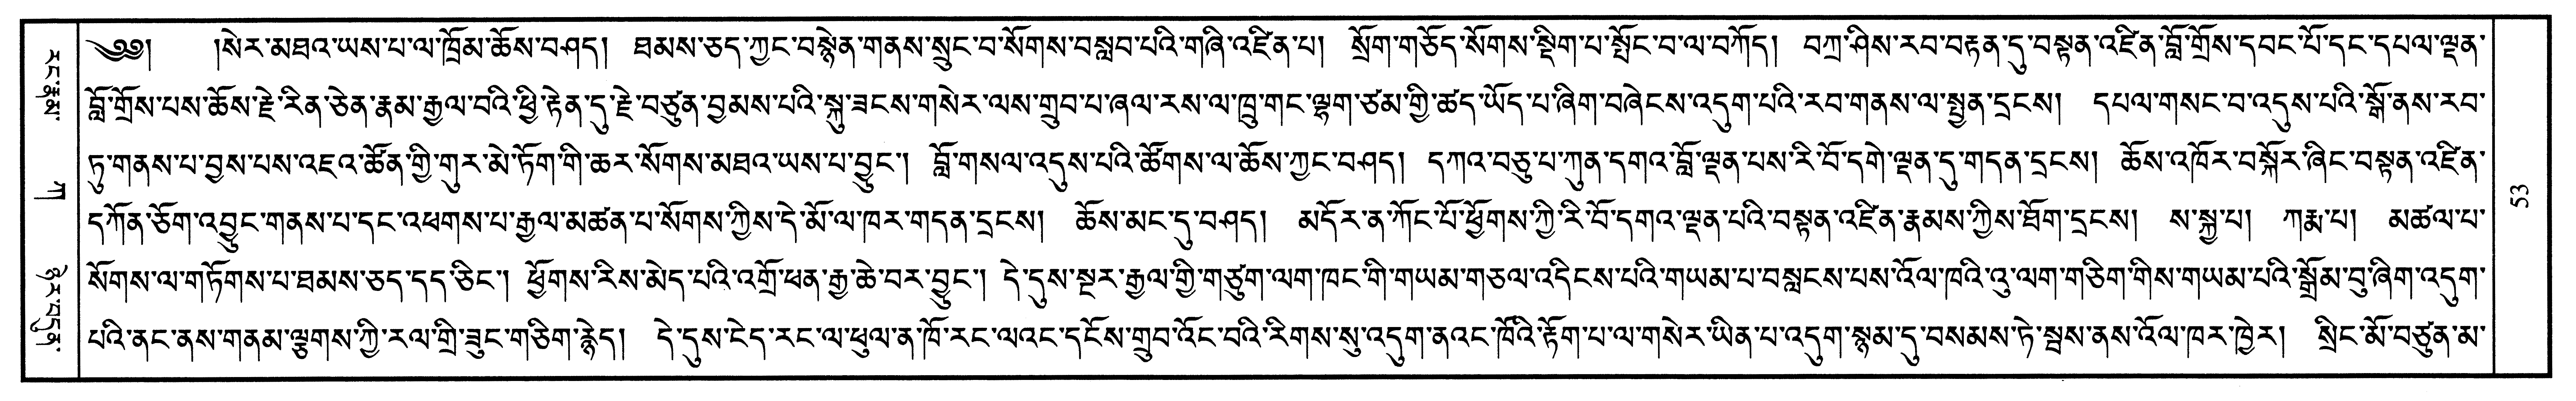༄༅། །སེར་མཐའ་ཡས་པ་ལ་ཁྲོམ་ཆོས་བཤད། ཐམས་ཅད་ཀྱང་བསྙེན་གནས་སྲུང་བ་སོགས་བསླབ་པའི་གཞི་འཛིན་པ། སྲོག་གཅོད་སོགས་སྡིག་པ་སྤོང་བ་ལ་བཀོད། བཀྲ་ཤིས་རབ་བརྟན་དུ་བསྟན་འཛིན་བློ་གྲོས་དབང་པོ་དང་དཔལ་ལྡན་
བློ་གྲོས་པས་ཆོས་རྗེ་རིན་ཅེན་རྣམ་རྒྱལ་བའི་ཕྱི་རྟེན་དུ་རྗེ་བཙུན་བྱམས་པའི་སྐུ་ཟངས་གསེར་ལས་གྲུབ་པ་ཞལ་རས་ལ་ཁྲུ་གང་ལྷག་ཙམ་གྱི་ཚད་ཡོད་པ་ཞིག་བཞེངས་འདུག་པའི་རབ་གནས་ལ་སྤྱན་དྲངས། དཔལ་གསང་བ་འདུས་པའི་སྒོ་ནས་རབ་
ཏུ་གནས་པ་བྱས་པས་འཇའ་ཚོན་གྱི་གུར་མེ་ཏོག་གི་ཆར་སོགས་མཐའ་ཡས་པ་བྱུང་། བློ་གསལ་འདུས་པའི་ཚོགས་ལ་ཆོས་ཀྱང་བཤད། དཀའ་བཅུ་པ་ཀུན་དགའ་བློ་ལྡན་པས་རི་བོ་དགེ་ལྡན་དུ་གདན་དྲངས། ཆོས་འཁོར་བསྐོར་ཞིང་བསྟན་འཛིན་
དཀོན་ཅོག་འབྱུང་གནས་པ་དང་འཕགས་པ་རྒྱལ་མཚན་པ་སོགས་ཀྱིས་དེ་མོ་ལ་ཁར་གདན་དྲངས། ཆོས་མང་དུ་བཤད། མདོར་ན་ཀོང་པོ་ཕྱོགས་ཀྱི་རི་བོ་དགའ་ལྡན་པའི་བསྟན་འཛིན་རྣམས་ཀྱིས་ཐོག་དྲངས། ས་སྐྱ་པ། ཀརྨ་པ། མཚལ་པ་
སོགས་ལ་གཏོགས་པ་ཐམས་ཅད་དད་ཅིང་། ཕྱོགས་རིས་མེད་པའི་འགྲོ་ཕན་རྒྱ་ཆེ་བར་བྱུང་། དེ་དུས་སྔར་རྒྱལ་གྱི་གཙུག་ལག་ཁང་གི་གཡམ་གཅལ་འདིངས་པའི་གཡམ་པ་བསླངས་པས་འོལ་ཁའི་འུ་ལག་གཅིག་གིས་གཡམ་པའི་སྒྲོམ་བུ་ཞིག་འདུག་
པའི་ནང་ནས་གནམ་ལྕགས་ཀྱི་རལ་གྲི་ཟུང་གཅིག་རྙེད། དེ་དུས་ངེད་རང་ལ་ཕུལ་ན་ཁོ་རང་ལའང་དངོས་གྲུབ་འོང་བའི་རིགས་སུ་འདུག་ནའང་ཁོའི་རྟོག་པ་ལ་གསེར་ཡིན་པ་འདུག་སྙམ་དུ་བསམས་ཏེ་སྦས་ནས་འོལ་ཁར་ཁྱེར། སྲིང་མོ་བཙུན་མ་